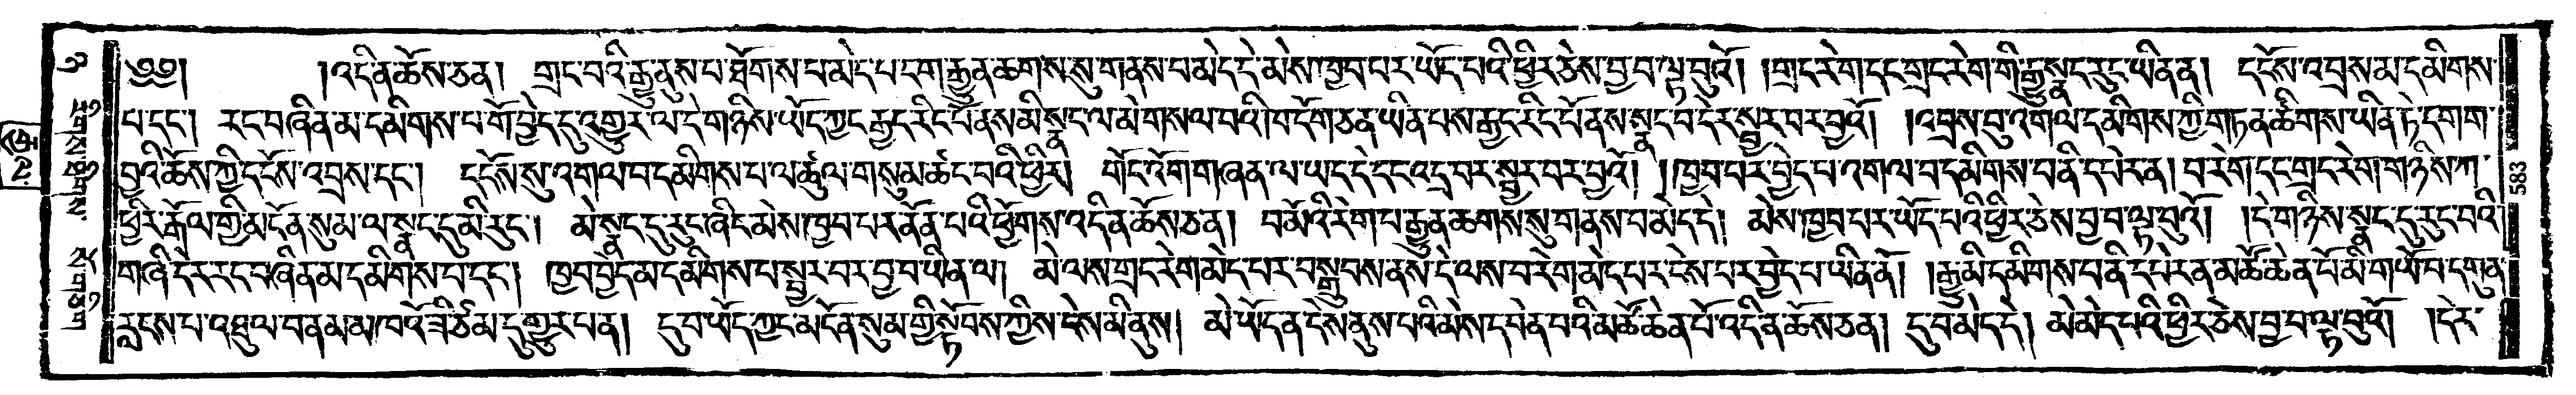༄༅། །འདི་ན་ཆོས་ཅན། གྲང་བའི་རྒྱུ་ནུས་པ་ཐོགས་པ་མེད་པ་དག་རྒྱུན་ཆགས་སུ་གནས་པ་མེད་དེ་མེས་ཁྱབ་པར་ཡོད་པའི་ཕྱིར་ཅེས་བྱ་བ་ལྟ་བུའོ། །གྲང་རེག་དང་གྲང་རེག་གི་རྒྱུ་སྣང་རུང་ཡིན་ན། དངོས་འབྲས་མ་དམིགས་
པ་དང་། རང་བཞིན་མ་དམིགས་པ་གོ་བྱེད་དུ་འགྱུར་ལ་དེ་གཉིས་ཡོད་ཀྱང་རྒྱང་རིང་པོ་ནས་མི་སྣང་ལ་མེ་གསལ་བའི་ཁ་དོག་ཅན་ཡིན་པས་རྒྱང་རིང་པོ་ནས་སྣང་བ་དེར་སྦྱར་བར་བྱའོ། །འབྲས་བུ་འགལ་དམིགས་ཀྱི་གཏན་ཚིགས་ཡིན་ཏེ་དགག་
བྱའི་ཆོས་ཀྱི་དངོས་འབྲས་དང་། དངོས་སུ་འགལ་བ་དམིགས་པ་ལ་ཚུལ་གསུམ་ཚང་བའི་ཕྱིར། གོང་འོག་གཞན་ལ་ཡང་དེ་དང་འདྲ་བར་སྦྱར་བར་བྱའོ། །ཁྱབ་པར་བྱེད་པ་འགལ་བ་དམིགས་པ་ནི་དཔེར་ན། བ་རེག་དང་གྲང་རེག་གཉིས་ཀ་
ཕྱིར་རྒོལ་གྱི་མངོན་སུམ་ལ་སྣང་དུ་མི་རུང་། མེ་སྣང་དུ་རུང་ཞིང་མེས་ཁྱབ་པར་ནོན་པའི་ཕྱོགས་འདི་ན་ཆོས་ཅན། བ་མོའི་རེག་པ་རྒྱུན་ཆགས་སུ་གནས་པ་མེད་དེ། མེས་ཁྱབ་པར་ཡོད་པའི་ཕྱིར་ཅེས་བྱ་བ་ལྟ་བུའོ། །དེ་གཉིས་སྣང་དུ་རུང་བའི་
གཞི་དེར་རང་བཞིན་མ་དམིགས་པ་དང་། ཁྱབ་བྱེད་མ་དམིགས་པ་སྦྱར་བར་བྱ་བ་ཡིན་ལ། མེ་ལས་གྲང་རེག་མེད་པར་བསྒྲུབ་ནས་དེ་ལས་བ་རེག་མེད་པར་ངེས་པར་བྱེད་པ་ཡིན་ནོ། །རྒྱུ་མི་དམིགས་པ་ནི་དཔེར་ན་མཚོ་ཆེན་པོ་མི་གཡོ་བ་དགུ་ན་
རླངས་པ་འཐུལ་བ་ནམ་མཁའོ་ཟི་ཙམ་དུ་གྱུར་པ་ན། དུ་བ་ཡོད་ཀྱང་མངོན་སུམ་གྱི་སྟོབས་ཀྱིས་ངེས་མི་ནུས། མེ་ཡོད་ན་དེས་ནུས་པའི་མེས་དབེན་པའི་མཚོ་ཆེན་པོ་འདི་ན་ཆོས་ཅན། དུ་བ་མེད་དེ། མེ་མེད་པའི་ཕྱིར་ཅེས་བྱ་བ་ལྟ་བུའོ། །དེར་